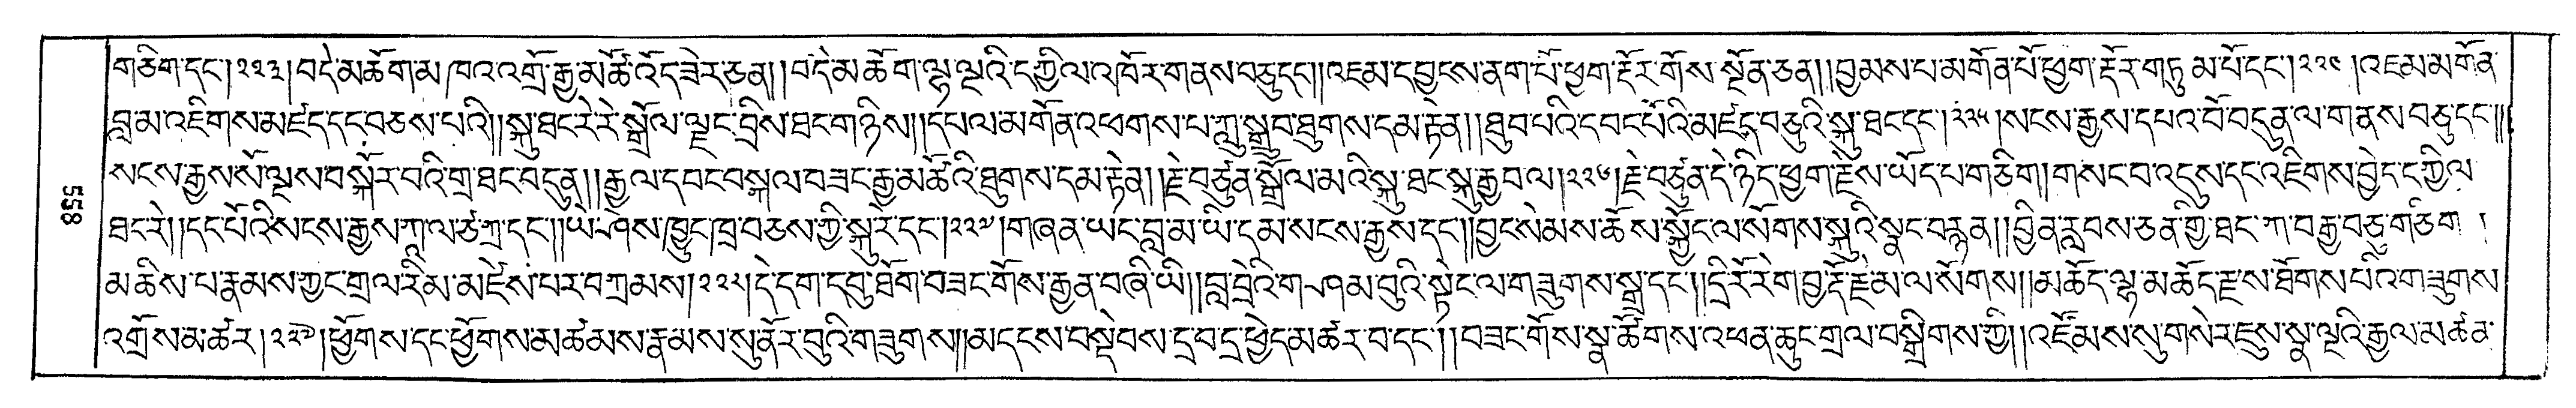གཅིག་དང་། ༢༢༣་།བདེ་མཆོག་མཁའ་འགྲོ་རྒྱ་མཚོ་འོད་ཟེར་ཅན། །བདེ་མཆོག་ལྷ་ལྔའི་དཀྱིལ་འཁོར་གནས་བཅུ་དང་། །འཇམ་དབྱངས་ནག་པོ་ཕྱག་རྡོར་གོས་སྔོན་ཅན། །བྱམས་པ་མགོན་པོ་ཕྱག་རྡོར་གཏུམ་པོ་དང་། ༢༢༤་།འཇམ་མགོན་
བླ་མ་འཇིགས་མཛད་དང་བཅས་པའི། །སྐུ་ཐང་རེ་རེ་སྒྲོལ་ལྗང་བྲིས་ཐང་གཉིས། །དཔལ་མགོན་འཕགས་པ་ཀླུ་སྒྲུབ་ཐུགས་དམ་རྟེན། །ཐུབ་པའི་དབང་པོའི་མཛད་བཅུའི་སྐུ་ཐང་དང་། ༢༢༥་།སངས་རྒྱས་དཔའ་བོ་བདུན་ལ་གནས་བཅུ་དང་
སངས་རྒྱས་སོ་ལྔས་བསྐོར་བའི་གྲ་ཐང་བདུན། །རྒྱལ་དབང་བསྐལ་བཟང་རྒྱ་མཚོའི་ཐུགས་དམ་རྟེན། །རྗེ་བཙུན་སྒྲལ་མའི་སྐུ་ཐང་སྐུ་རྒྱབ་ལ། ༢༢༦་།རྗེ་བཙུན་དེ་ཉིད་ཕྱག་རྗེས་ཡོད་པ་གཅིག །གསང་བ་འདུས་དང་འཇིགས་བྱེད་དཀྱིལ་
ཐང་རེ། །དང་པོའི་སངས་རྒྱས་ཀཱ་ལ་ཅ་ཀྲ་དང་། །ཡེ་ཤེས་ཁྱུང་ཁྲ་བཅས་ཀྱི་སྐུ་རེ་དང་། ༢༢༧་།གཞན་ཡང་བླ་མ་ཡི་དམ་སངས་རྒྱས་དང་། །བྱང་སེམས་ཆོས་སྐྱོང་ལ་སོགས་སྐུའི་སྣང་བརྙན། །བྱིན་རླབས་ཅན་གྱི་ཐང་ཀ་བརྒྱ་བཅུ་གཅིག །
མཆིས་པ་རྣམས་ཀྱང་གྲལ་རིམ་མཛེས་པར་བཀྲམས། ༢༢༨་།དེ་དག་དབུ་ཐོག་བཟང་གོས་རྒྱན་བཞི་ཡི། །བླ་བྲེའི་གཤམ་བུའི་སྟེང་ལ་གཟུགས་སྒྲ་དང་། །དྲི་རོ་རེག་བྱ་རྡོ་རྗེ་མ་ལ་སོགས། །མཆོད་ལྷ་མཆོད་རྫས་ཐོགས་པའི་གཟུགས་
འགྲོས་མཚར། ༢༢༧་།ཕྱོགས་དང་ཕྱོགས་མ་ཚམས་རྣམས་སུ་ནོར་བུའི་གཟུགས། །མདངས་བསྡེབས་དྲ་བ་དྲ་ཕྱེད་མཚར་བ་དང་། །བཟང་གོས་སྣ་ཚོགས་འཕན་ཆུང་གྲལ་བསྒྲིགས་ཀྱི། །འཇོམས་སུ་གསེར་ཇུས་སྣ་ལྔའི་རྒྱལ་མཚན་